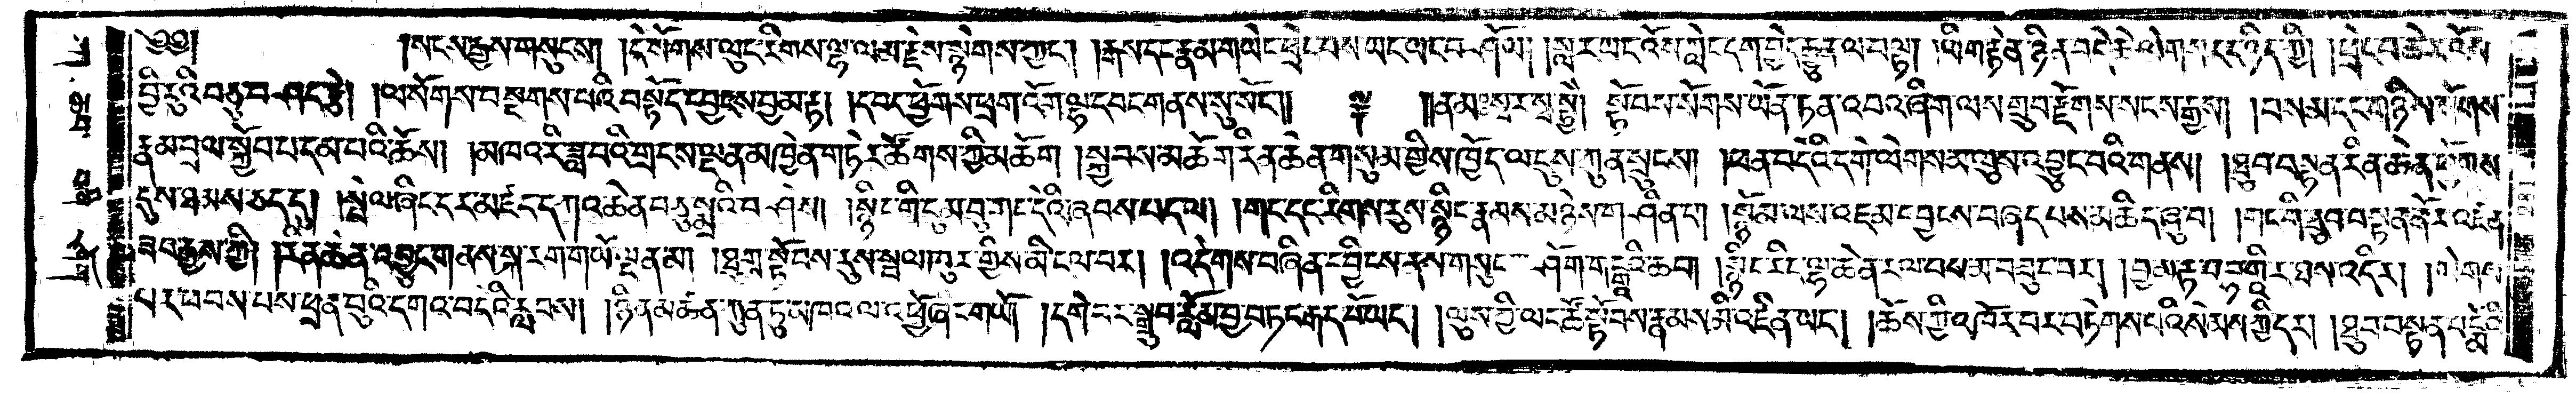༄༅། །སངས་རྒྱས་གསུངས། །དེ་སོགས་ལུང་རིགས་ལྷ་ལམ་རྗེས་སྙེགས་ཀྱང་། །རྒས་དང་རྣམ་གཡེང་ཕྲེང་བས་ཡང་ཡང་བཤོལ། །སླར་ཡང་འོས་ཀླེང་དག་བྱེད་རྒྱུན་ལ་བལྟ། །ཡིག་རྟེན་ཉིན་བདེ་ཆེ་ལེགས་དང་ཉིན་གྱི། །ཕྲེང་བ་ཆེར་འོས་
བྱི་རུའི་བཅུ་བཤད་རྩེ། །ལ་སོགས་བསྔགས་པའི་བསྟོད་དབྱངས་བྱམ་རྟ། །དབང་ཕྱོགས་ཕྲག་དོག་ལྷ་དབང་གནས་སུ་སོང།། ༈ །།ནམ་H སྲར་སྭ་སྟྱཻ། སྟོབས་སོགས་ཡོན་ཏན་འབའ་ཞིག་ལས་གྲུབ་རྫོགས་སངས་རྒྱས། །བསམ་དང་ཉིས་སོགས་
རྣམ་བྲལ་སྐྱོབ་པ་དམ་པའི་ཆོས། །མཁའ་རི་ཟླ་བའི་གྲངས་ལྡན་མཁྱེན་གཏེར་ཚོགས་ཀྱི་མཆོག །སྐྱབས་མཆོག་རིན་ཆེན་གསུམ་གྱི་ཁྱོད་ལ་དུས་ཀུན་སྲུངས། །ཕན་བདེའི་དགེ་ལེགས་མ་ལུས་འབྱུང་བའི་གནས། །ཐུབ་བསྟན་རིན་ཆེན་ཕྱོགས་
དུས་ཐམས་ཅད་དུ། །སྤེལ་ཞིང་ངར་མཛད་དཀའ་ཆེན་བཅུ་སྨྲའི་བཤེས། །སྙིང་གི་དུམ་བུ་གང་དེའི་ཞབས་པད་ལ། །གང་དང་རིགས་རུས་སྙིང་རྣམས་མཉེས་གཤིན་པ། །སྙོམ་ལས་འཇམ་དབྱངས་བཞད་པས་མཆིད་ཞུ་བ། །གང་གི་ཐུབ་བསྟན་ནོར་འཛན་
ཟབ་རྒྱས་ཀྱི། །རིན་ཆེན་འབྱུང་གནས་སྐ་རག་གཡོ་ལྔ་ནམ། །ཐུགས་སྟོབས་རུས་སྦལ་བུར་གྱིས་མི་ངལ་བར། །འདེགས་བཞིན་དབྱིངས་ནས་གསུང་ཤོག་གངྒཱའི་ཆབ། །སྙིང་རིང་ལྷ་ཆེན་རལ་བསམ་བཟུང་བར། །བྱམ་རྟ་བབྷ་གཱིར་ཐས་འདིར། །ལེགས་
པར་བབས་པས་ཕྲན་བུའི་དགའ་བདེའི་རླབས། །ཉིན་མཚན་ཀུན་ཏུ་མཁའ་ལང་ཕྱོ་ཞང་གཡོ། །དགེ་པར་སྒྲུབ་རློམ་བྱ་བཏང་རྒད་པོ་ཡང་། །ལུས་ཀྱི་ལང་ཚོ་སྟོབས་རྣམས་མི་འཛིན་ཡང་། །ཆོས་ཀྱི་འཁོར་བར་བཏེགས་པའི་སེམས་ཀྱི་དང་། །ཐུབ་བསྟན་པདམོའི་